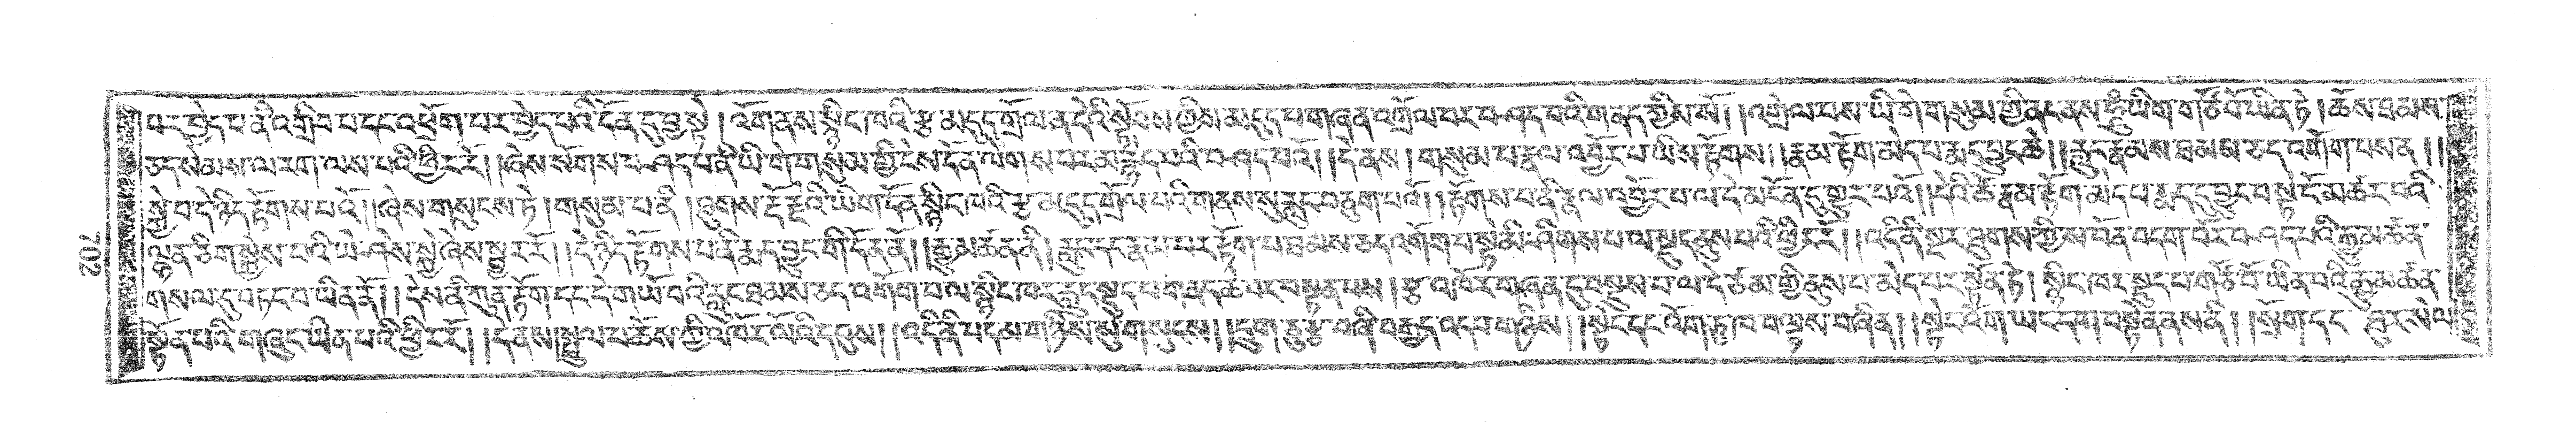པར་བྱེད་པ་ནི་འགྲིབ་པ་དང་འཕྲོག་པར་བྱེད་པའི་དོན་དུ་བྱ་སྟེ། འོག་ནས་སྙིང་ཁའི་རྩ་མདུད་གྲོལ་ན་དེའི་སྟོབས་ཀྱིས་མདུད་པ་གཞན་འགྲོལ་བར་བཤད་པའི་གནད་ཀྱིས་སོ། །འགྲེལ་པས་ཡི་གེ་གསུམ་གྱི་ནང་ནས་ཧཱུཾ་ཡིག་གཙོ་བོ་ཡིན་ཏེ། ཆོས་ཐམས་
ཅད་སེམས་ལ་རག་ལས་པའི་ཕྱིར་རོ། །ཞེས་སོགས་བཤད་པ་ནི་ཡི་གེ་གསུམ་གྱི་ངེས་དོན་ལེགས་པར་མ་རྙེད་པའི་བཤད་པའོ། །དེ་ནས། གསུམ་པ་རྣལ་འབྱོར་པ་ཡིས་རྟོགས། །རྣམ་རྟོག་མེད་པ་རྨད་བྱུང་ཆེ། །རླུང་རྣམས་ཐམས་ཅད་འགོག་པས་ན། །
སྐྱེ་བ་དེ་ཉིད་རྟོགས་པའོ། །ཞེས་གསུངས་ཏེ། གསུམ་པ་ནི། ཐུགས་རྡོ་རྗེའི་ཡིག་དོན་སྙིང་ཁའི་རྩ་མདུད་གྲོལ་བའི་གནས་སུ་རླུང་བཅུག་པའོ། །རྟོགས་པ་ནི་རྣལ་འབྱོར་པ་ལ་དེ་མངོན་དུ་གྱུར་པའོ། །དེའི་ཚེ་རྣམ་རྟོག་མེད་པ་རྨད་དུ་བྱུང་བ་སྟེ་ངོ་མཚར་བའི་
ལྷན་ཅིག་སྐྱེས་པའི་ཡེ་ཤེས་སྐྱེ་ཞེས་སྦྱར་རོ། །དེ་ཉིད་རྟོགས་པ་ནི་རྨད་བྱུང་གི་དོན་ནོ། །རྒྱུ་མཚན་ནི། རླུང་དང་རྣམ་པར་རྟོག་པ་ཐམས་ཅད་འགོག་པ་སྟེ་མི་ཤིགས་པ་ལ་སྡུད་ནུས་པའི་ཕྱིར་རོ། །འདི་ནི་སྔར་ཐུགས་ཀྱི་ས་བོན་བདག་པོར་བཤད་པའི་རྒྱུ་མཚན་
གསལ་དུ་བཏང་བ་ཡིན་ནོ། །དེས་ནི་ཀུན་རྟོག་དང་དེ་གཡོ་བའི་རླུང་ཐམས་ཅད་འགོག་པ་ལ་སྙིང་ཁར་རླུང་སྡུད་པ་གནད་ཆེ་བར་བསྟན་པས། རྩ་འཁོར་གཞན་དུ་བསྡུས་པ་ལ་དེ་ཙམ་གྱི་ནུས་པ་མེད་པར་སྟོན་ཏེ། སྙིང་ཁར་སྡུད་པ་གཙོ་བོ་ཡིན་པའི་རྒྱུ་མཚན་
སྟོན་པའི་གཞུང་ཡིན་པའི་ཕྱིར་རོ། །དེ་ནས། སྤྲུལ་པ་ཆོས་ཀྱི་འཁོར་ལོའི་དབུས། །འདི་ནི་པད་མ་གཉིས་སུ་གསུངས། །དྲུག་ཅུ་རྩ་བཞི་བརྒྱད་འདབ་གཉིས། །སྟེང་དང་འོག་ཏུ་ཁ་བལྟས་བཞིན། །སྟེང་འོག་ཡང་དག་བསྟེན་ནས་ནི། །སྲོག་དང་ཐུར་སེལ་